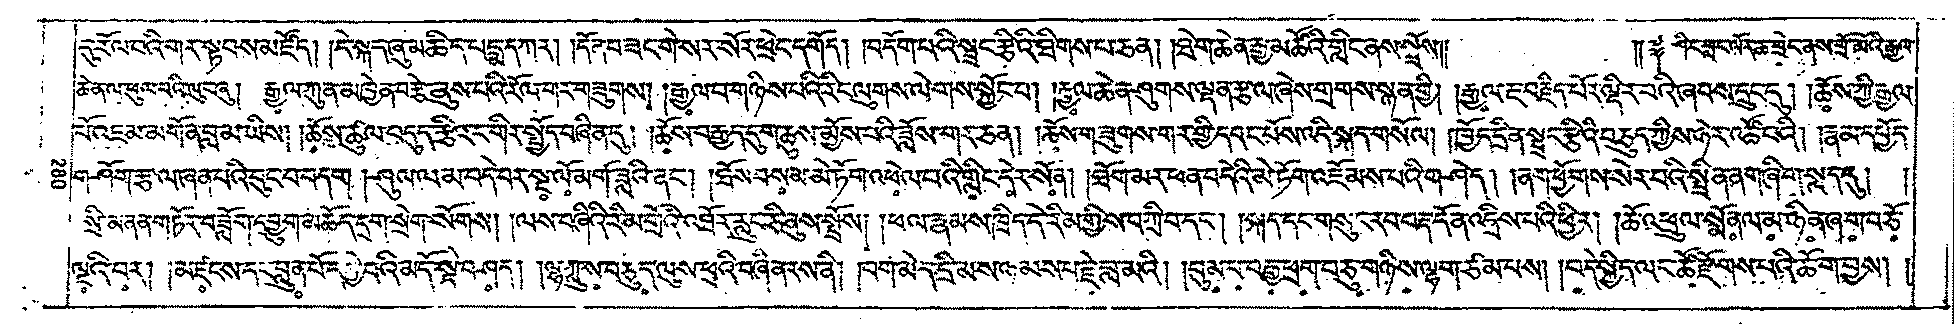དུ་རོལ་བའི་གར་སྟབས་མཛོད། །དེ་སྐད་ཞུ་མཆིད་པདམ་དཀར། །དོན་བཟང་གེ་སར་སོར་ཕྲེང་དགོད། །བདོག་པའི་སྦྲང་རྩིའི་ཐིགས་པ་ཅན། །ཐེག་ཆེན་རྒྱ་མཚོའི་གླིང་ནས་སྤྲོས།། །། ༈ ཤིང་གླང་ལོར་ཆ་ཕྲེང་ནས་གྲོ་མོའི་རྒྱལ་
ཆེན་ལ་ཕུལ་བའི་ལུང་ཞུ། རྒྱལ྾་ཀུན་མཁྱེན་བརྩེ་ནུས་པའི་རོལ་གར་གཟུགས། །རྒྱལ྾་བ་གཉིས་པའི་རིང་ལུགས་ལེགས་སྐྱོང་བ། །རྒྱལ྾་ཆེན་ཤུགས་ལྡན་རྩལ་ཞེས་གྲགས་སྙན་གྱི། །རྒྱལ྾་རྔ་བརྗིད་པོར་ལྡིར་བའི་ཞབས་དྲུང་དུ། །ཆོས྾་ཀྱི་རྒྱལ་
པོ་འཇམ་མགོན་བླ་མ་ཡིས། །ཆོས྾་ཚུལ་བདུད་རྩི་རང་གིར་སྤྱོད་བཞིན་དུ། །ཆོས྾་བརྒྱད་དུག་ཆུས་མྱོས་པའི་ཟློས་གར་ཅན། །ཆོས྾་གཟུགས་གར་གྱི་དབང་པོས་འདི་སྐད་གསོལ། །ཁྱོད་དྲིན་སྦྲང་རྩིའི་བཅུད་ཀྱིས་ཉེར་འཚོ་བའི། །རྣམ་དཔྱོད་
གཤོག་རྩལ་ཞན་པའི་བུང་བ་བདག །ཤུལ་ལམ་བདེ་བར་སྔ྾་ལོ྾་མགོ་ཟླའི་ནང་། །ཐོས་བསམ྾་མེ་ཏོག་འཕེལ྾་པའི་གླིང྾་དེར྾་སོན྾། །ཐོག་མར་ཕན་བདེའི་མེ་ཏོག་འཇོམས་པའི་གཤེད། །ནག་ཕྱོགས་སེར་བའི་སྤྲིན་ནག་ཞིག་སླད་དུ། །
སྲི་མནན་གཏོར་བཟློག་དབྱུག་མཆོད་དྲག་སྲེག་སོགས། །ལས་བཞིའི་རིམ་གྲོའི་འཐོར་རླུང་ཅི་ནུས་སྤྲོས། །ཕལ་རྣམས་ཁྲིད་དེ་རིམ་གྱིས་བཀྲི་བ་དང་། །སྐད་དང་གསུང་རབ་བརྡ་དོན་འདྲིས་པའི་ཕྱིར། །ཆོ་འཕྲུལ་སྨོན྾་ལམ྾་ཉིན྾་ཞག྾་བཅོ྾་
ལྔའི྾་བར྾། །མཛངས྾་དང་བླུན྾་པོ་དབྱེ་བའི་མདོ་སྡེ་བཤད྾། །ལྷ་ཀླུ་ས྾་བཅུད྾་ལུས་ཕྲའི་བཞིན་རས་ནི། །བག་མེད་དྲི་མས་ཉམས་པ་རྗེ་བླ་མའི། །བུམ྾་པ྾་བརྒྱ་ཕྲག྾་བཅུ྾་གཉིས྾་ལྷག་ཙམ་པས། །བདེ་སྐྱིད་ལང་ཚོ་རྫོགས་པའི་ཆོ་ག་བྱས། །